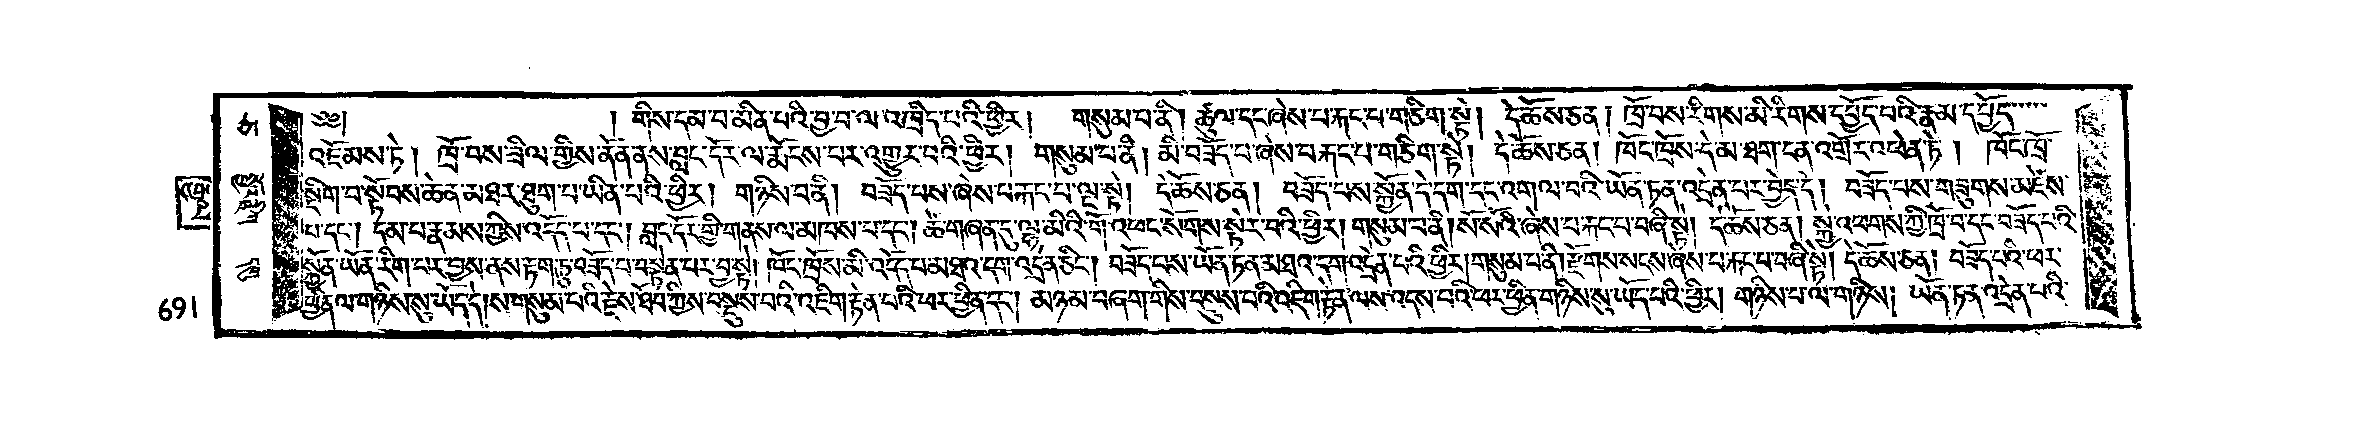༄༅། །གིས་དམ་པ་མིན་པའི་བྱ་བ་ལ་འཁྲིད་པའི་ཕྱིར། གསུམ་པ་ནི། ཚུལ་དང་ཞེས་པ་རྐང་པ་གཅིག་སྟེ། དེ་ཆོས་ཅན། ཁྲོ་བས་རིགས་མི་རིགས་དཔྱོད་པའི་རྣམ་དཔྱོད་
འཇོམས་ཏེ། ཁྲོ་བས་ཟིལ་གྱིས་ནོན་ནས་བླང་དོར་ལ་རྨོངས་པར་འགྱུར་པའི་ཕྱིར། གསུམ་པ་ནི། མི་བཟོད་པ་ཞེས་པ་རྐང་པ་གཅིག་སྟེ། དེ་ཆོས་ཅན། ཁོང་ཁྲོས་དེ་མ་ཐག་ངན་འགྲོར་འཕེན་ཏེ། ཁོང་ཁྲོ་
སྡིག་པ་སྟོབས་ཆེན་མཐར་ཐུག་པ་ཡིན་པའི་ཕྱིར། གཉིས་པ་ནི། བཟོད་པས་ཞེས་པ་རྐང་པ་ལྔ་སྟེ། དེ་ཆོས་ཅན། བཟོད་པས་སྐྱོན་དེ་དག་དང་འགལ་བའི་ཡོན་ཏན་འདྲེན་པར་བྱེད་དེ། བཟོད་པས་གཟུགས་མཛེས་
པ་དང་། དམ་པ་རྣམས་ཀྱིས་འདོད་པ་དང་། བླང་དོར་གྱི་གནས་ལ་མཁས་པ་དང་། ཚེ་གཞན་དུ་ལྷ་མིའི་གོ་འཕང་སོགས་སྟེར་བའི་ཕྱིར། གསུམ་པ་ནི། སོ་སོའི་ཞེས་པ་རྐང་པ་བཞི་སྟེ། དེ་ཆོས་ཅན། སྐྱེ་འཕགས་ཀྱི་ཁྲོ་བ་དང་བཟོད་པའི་
སྐྱོན་ཡོན་རིག་པར་བྱས་ནས་རྟག་ཏུ་བཟོད་པ་བསྟེན་པར་བྱ་སྟེ། ཁོང་ཁྲོས་མི་འདོད་པ་མཐའ་དག་འདྲེན་ཅིང་། བཟོད་པས་ཡོན་ཏན་མཐའ་དག་འདྲེན་པའི་ཕྱིར། གསུམ་པ་ནི། རྫོགས་སངས་ཞེས་པ་རྐང་པ་བཞི་སྟེ། དེ་ཆོས་ཅན། བཟོད་པའི་ཕར་
ཕྱིན་ལ་གཉིས་སུ་ཡོད་དེ། ས་གསུམ་པའི་རྗེས་ཐོབ་ཀྱིས་བསྡུས་པའི་འཇིག་རྟེན་པའི་ཕར་ཕྱིན་དང་། མཉམ་བཞག་གིས་བསྡུས་པའི་འཇིག་རྟེན་ལས་འདས་པའི་ཕར་ཕྱིན་གཉིས་སུ་ཡོད་པའི་ཕྱིར། གཉིས་པ་ལ་གཉིས། ཡོན་ཏན་འདྲེན་པའི་